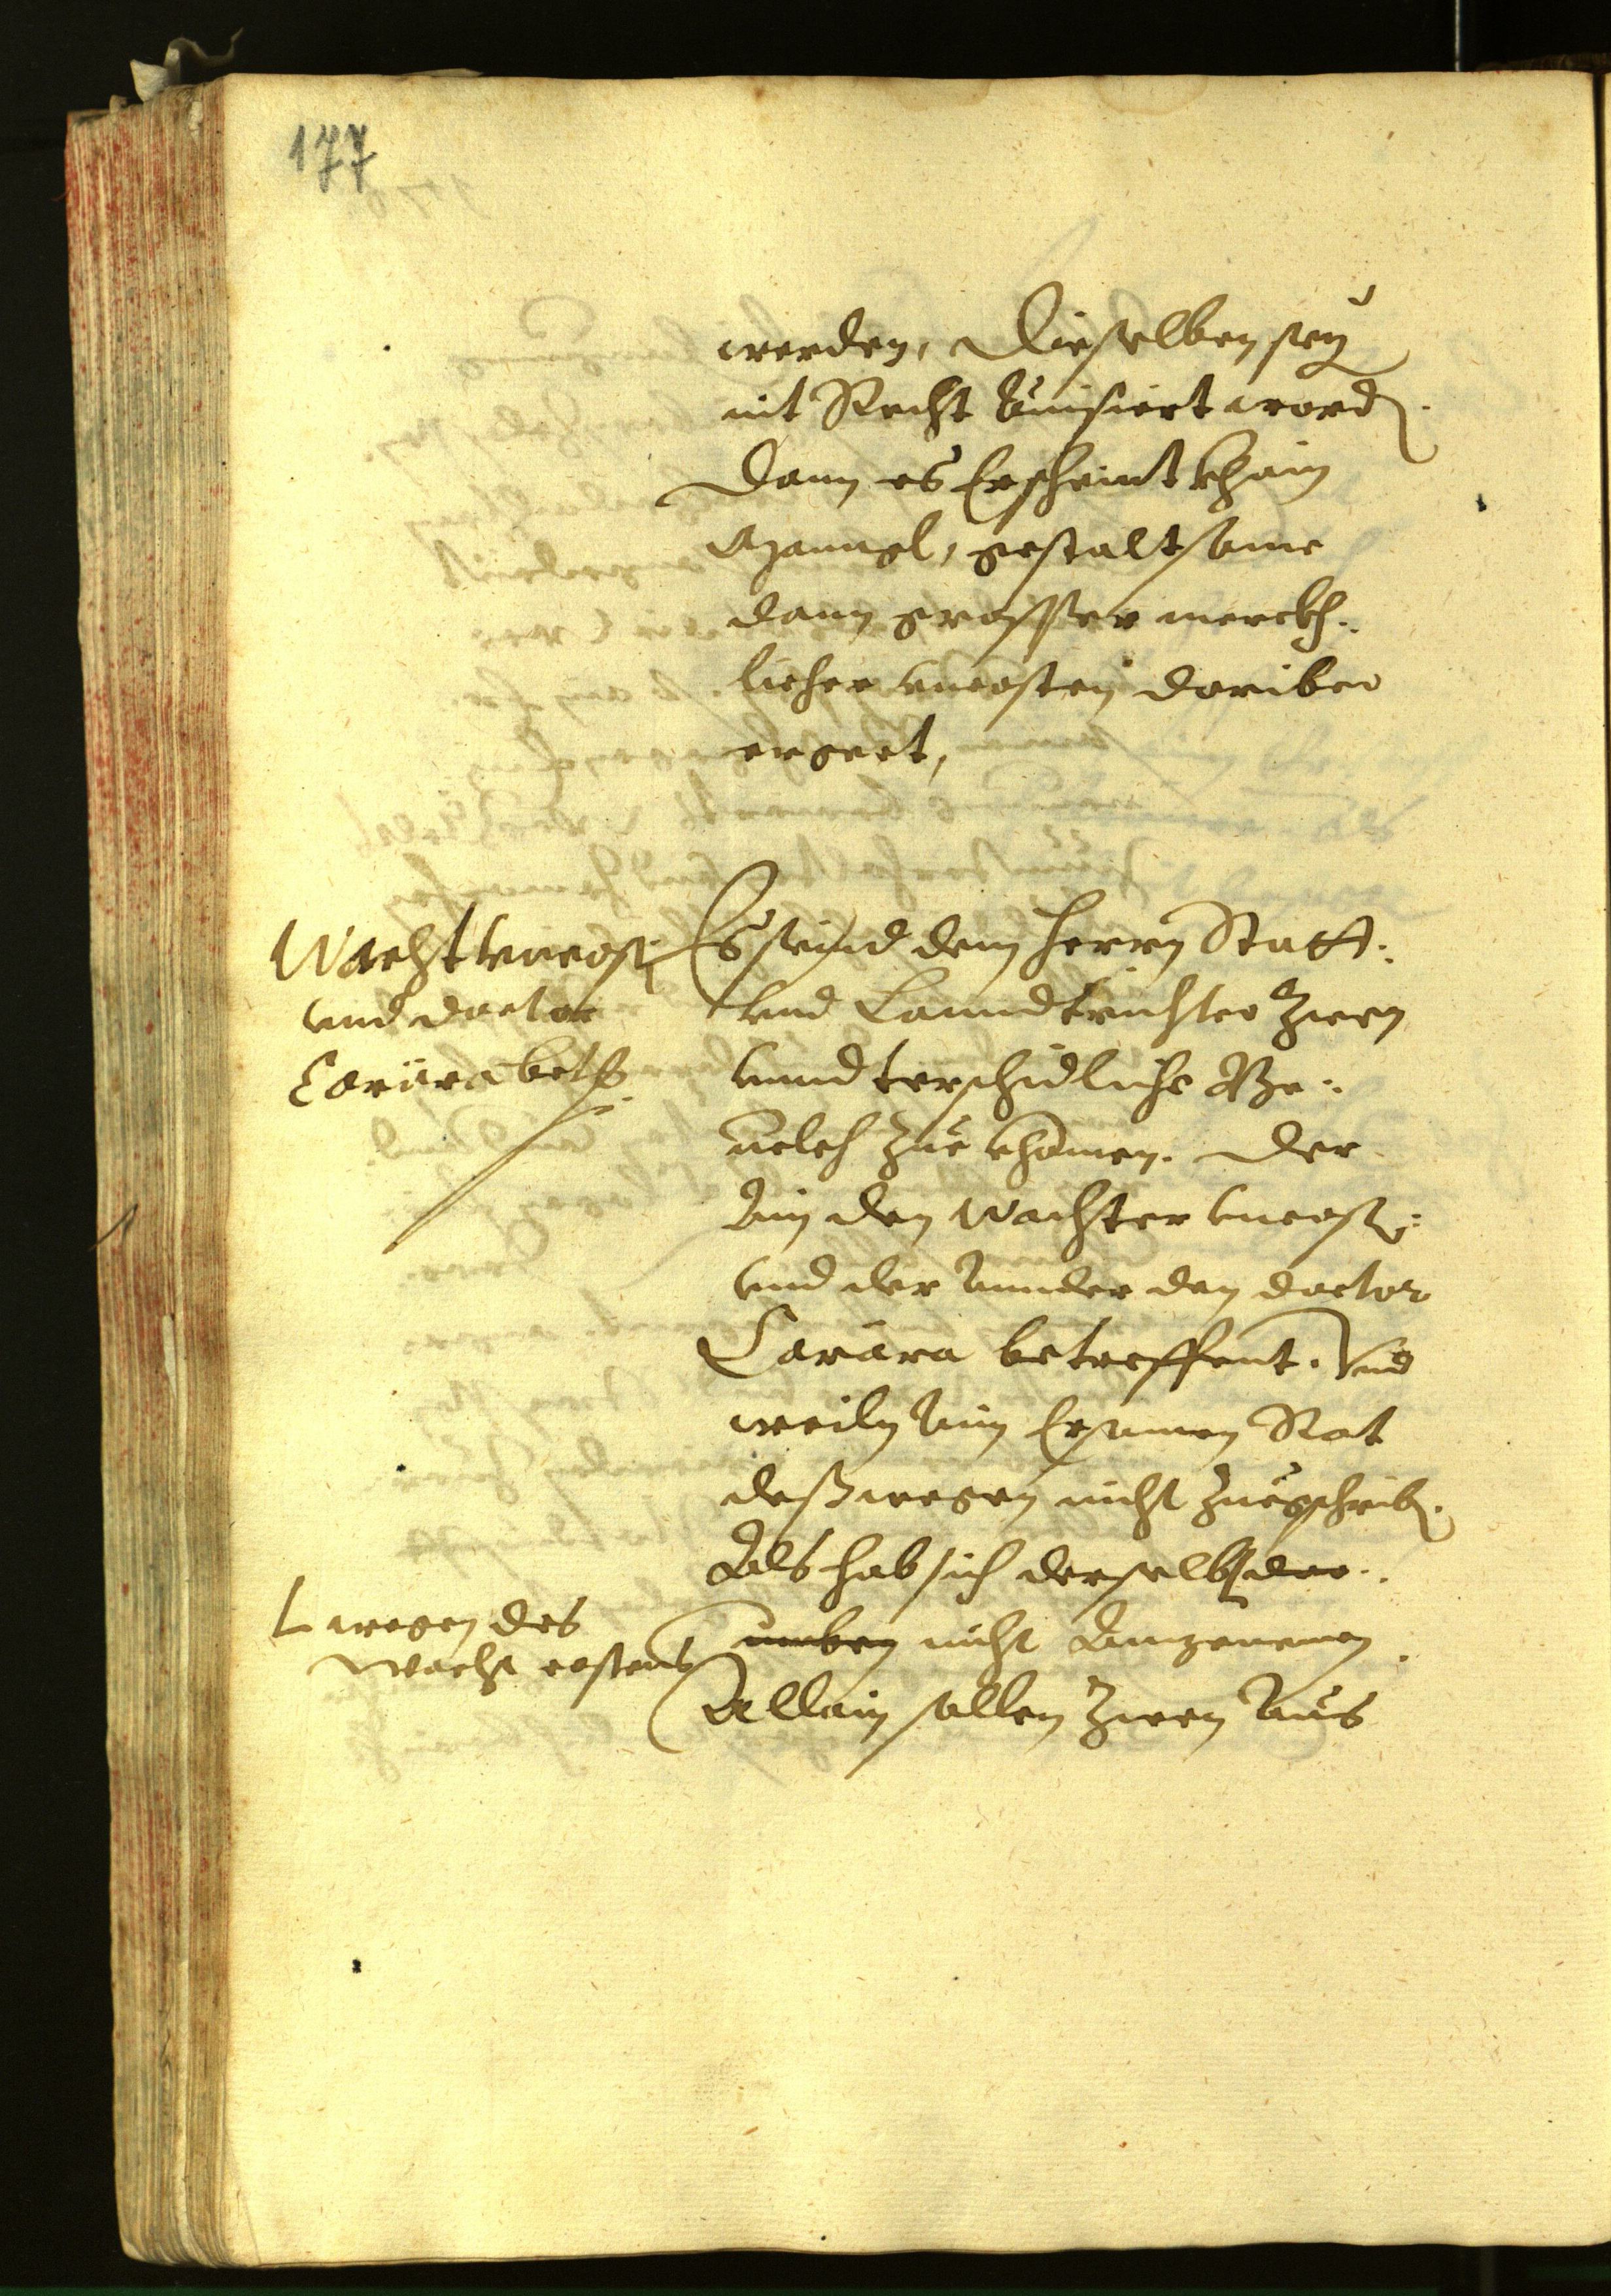177
werden, dieselben seȳ
nit Recht Aūisiert word.
dann es Erscheint khain
Manngl, gestaltsame
dann grosser merckh¬
licher vncosten dariber
ergeet,
Es seind dem herrn Statt¬
vnd Lanndtrichter Zwen
vnndterschidliche Be¬
ūelch Zūekhomen. der
Ain den Wachter vncost¬
vnd der Annder den doctor
Carära betreffent. Vnd
weiln Aim Ersamen Rat
deßwegen nicht Zūegschrib.
Als hab sich derselb dar¬
ūmben nicht Anzenemen.
Allain sollen Zween Aūs
Wacht vncost
vnd doctor
Carära bet.
wegen des
Wacht costens